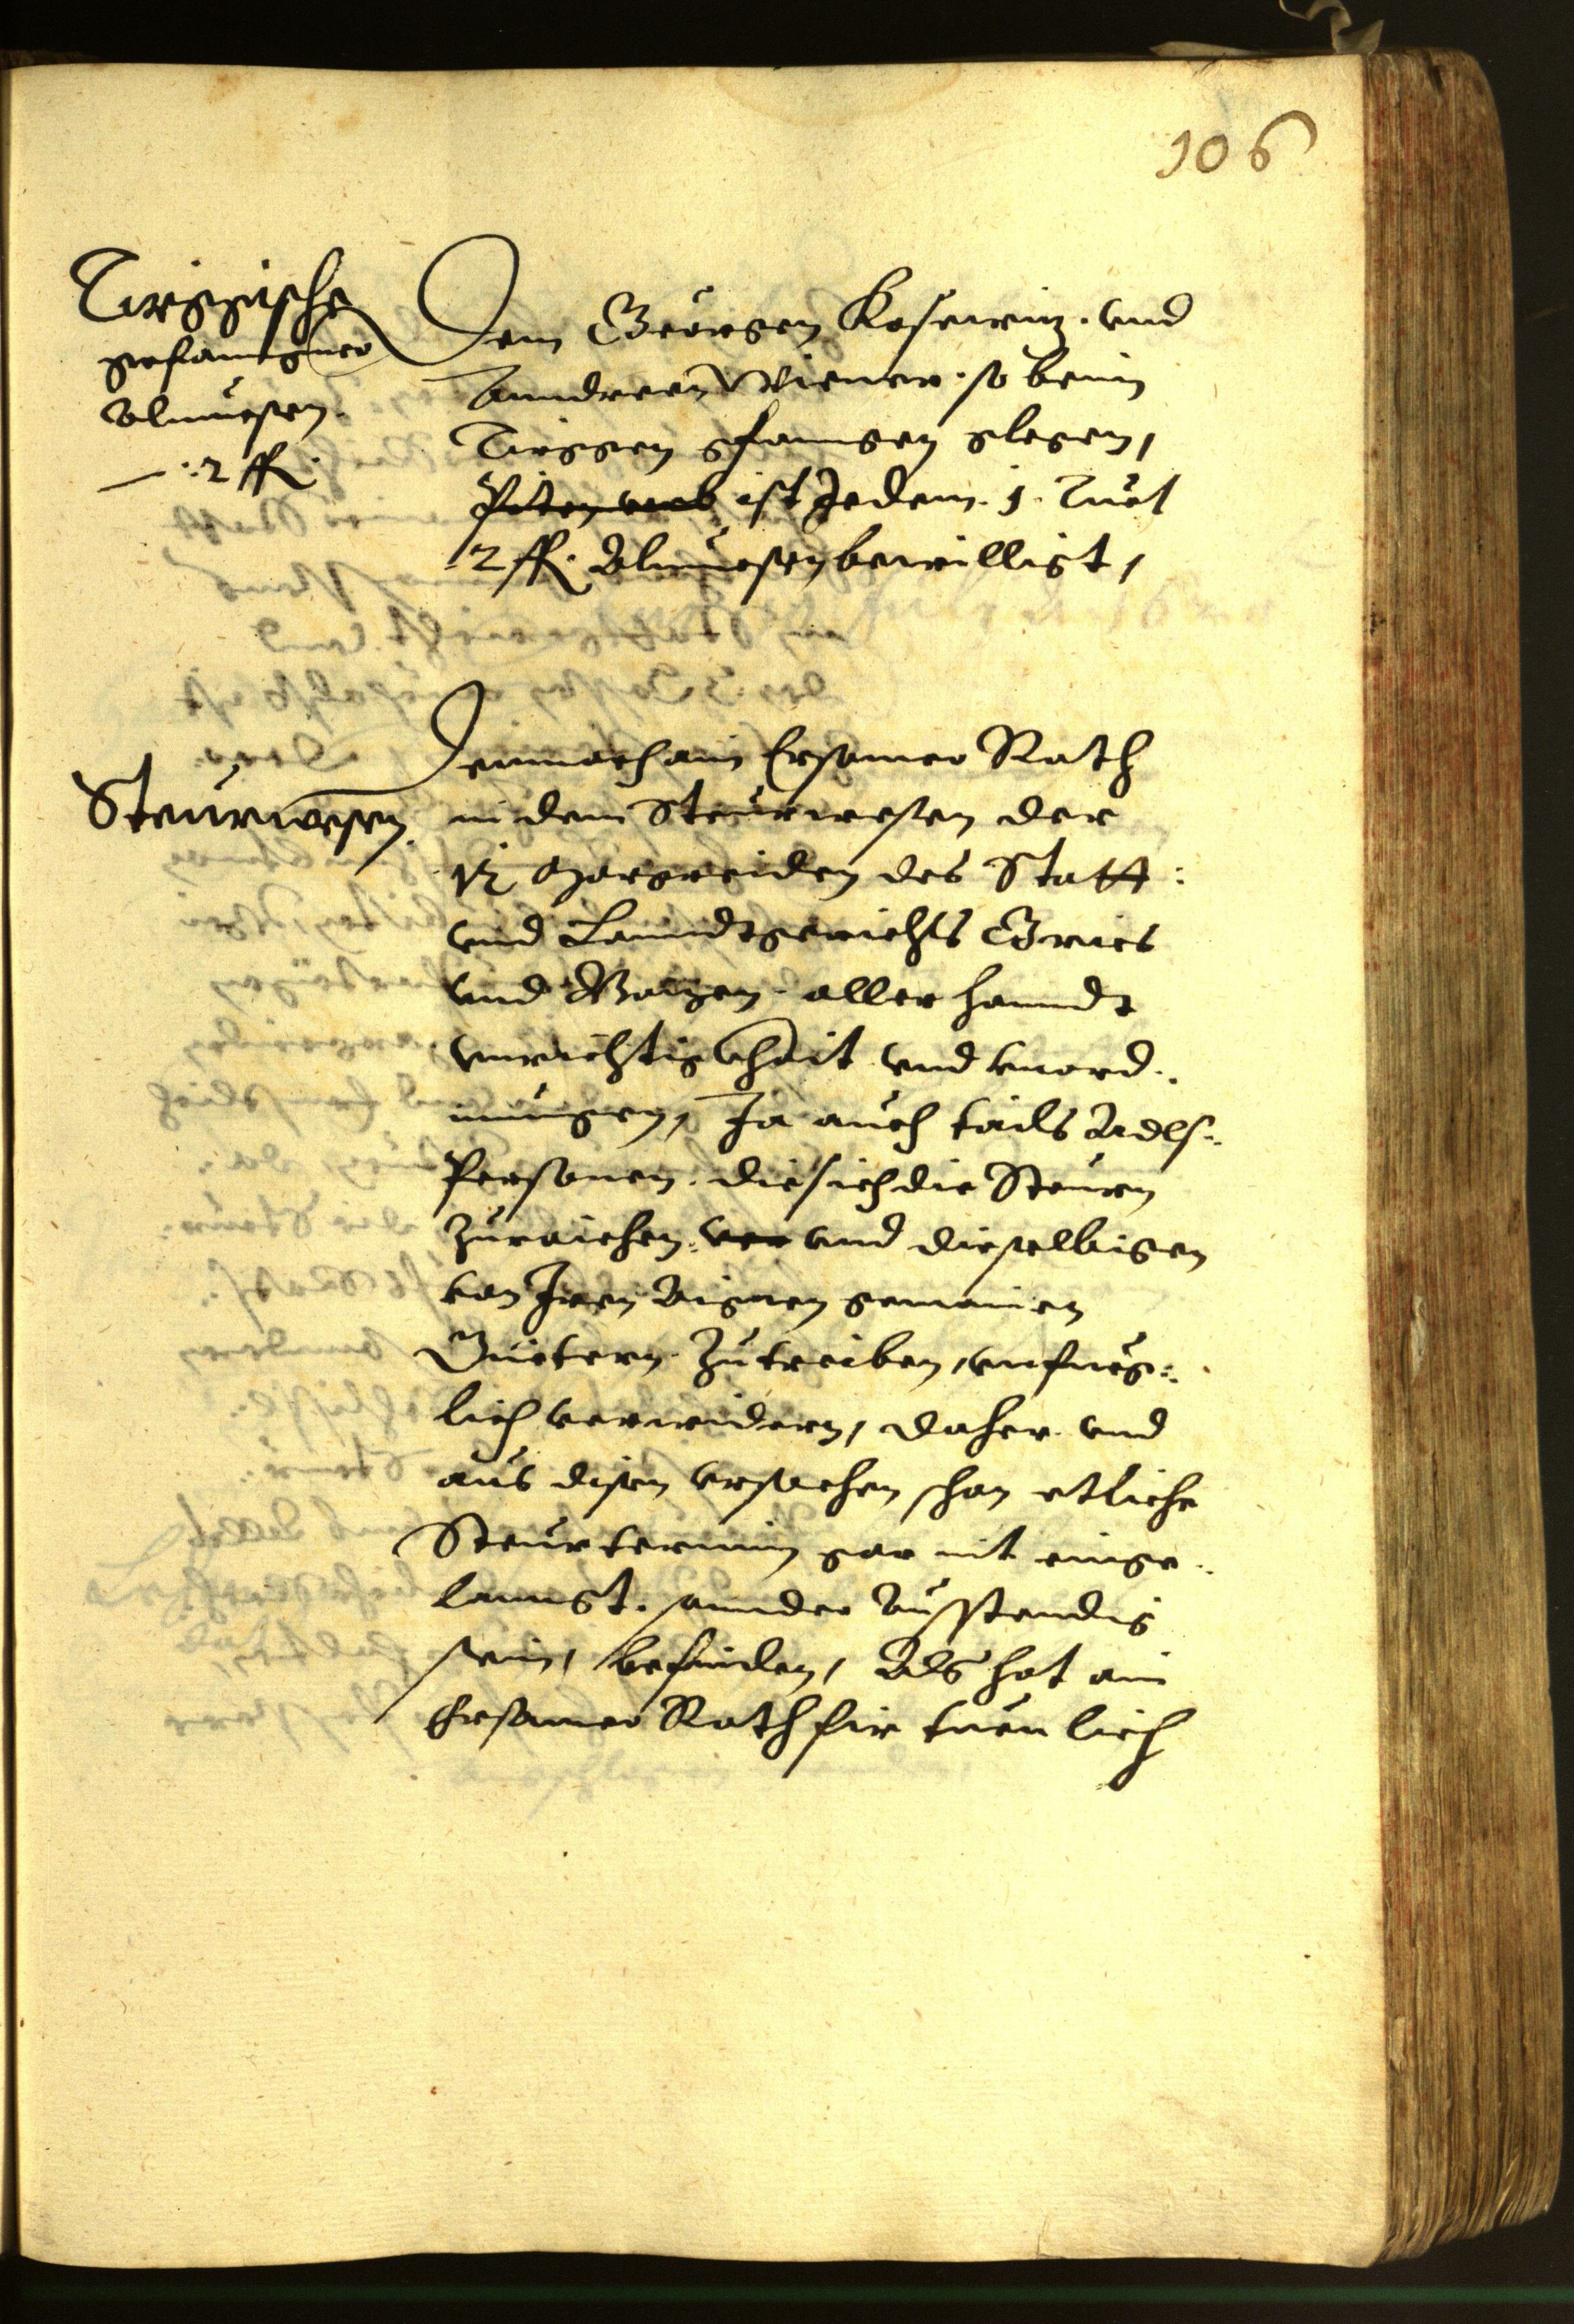106
Dem Geōrgen Kosewiz. vnd
Anndreen Wiener. so beim
Tirggen gfanngen glegen,
piten vmb ist Jedem .1. Tūet
2 fl. Almūesen bewilligt,
Tirggische
gefanngner
Almūesen
—: 2 fl.
Demnach ain Ersamer Rath
in dem Steūrwesen der
12 Margreiden des Statt¬
vnd Lanndtgerichts Gries
vnd Bozen aller hanndt
vnrichtigkhait vnd vnord¬
nūngen, Ja aūch tails Adls¬
Personen. die sich die Steūrn
Zūraichen ver vnd die selbigen
von Iren Aignen gemainen
Gūetern Zūtreiben, vnfūeg¬
lich verwidern, daher vnd
aūs disen vrsachen schon etliche
Steūrtermin gar nit einge¬
lanngt. sonnder Aūsstendig
sein, befinden, Als hat ain
Ersamer Rath fir tūen lich
Steūrwesen.